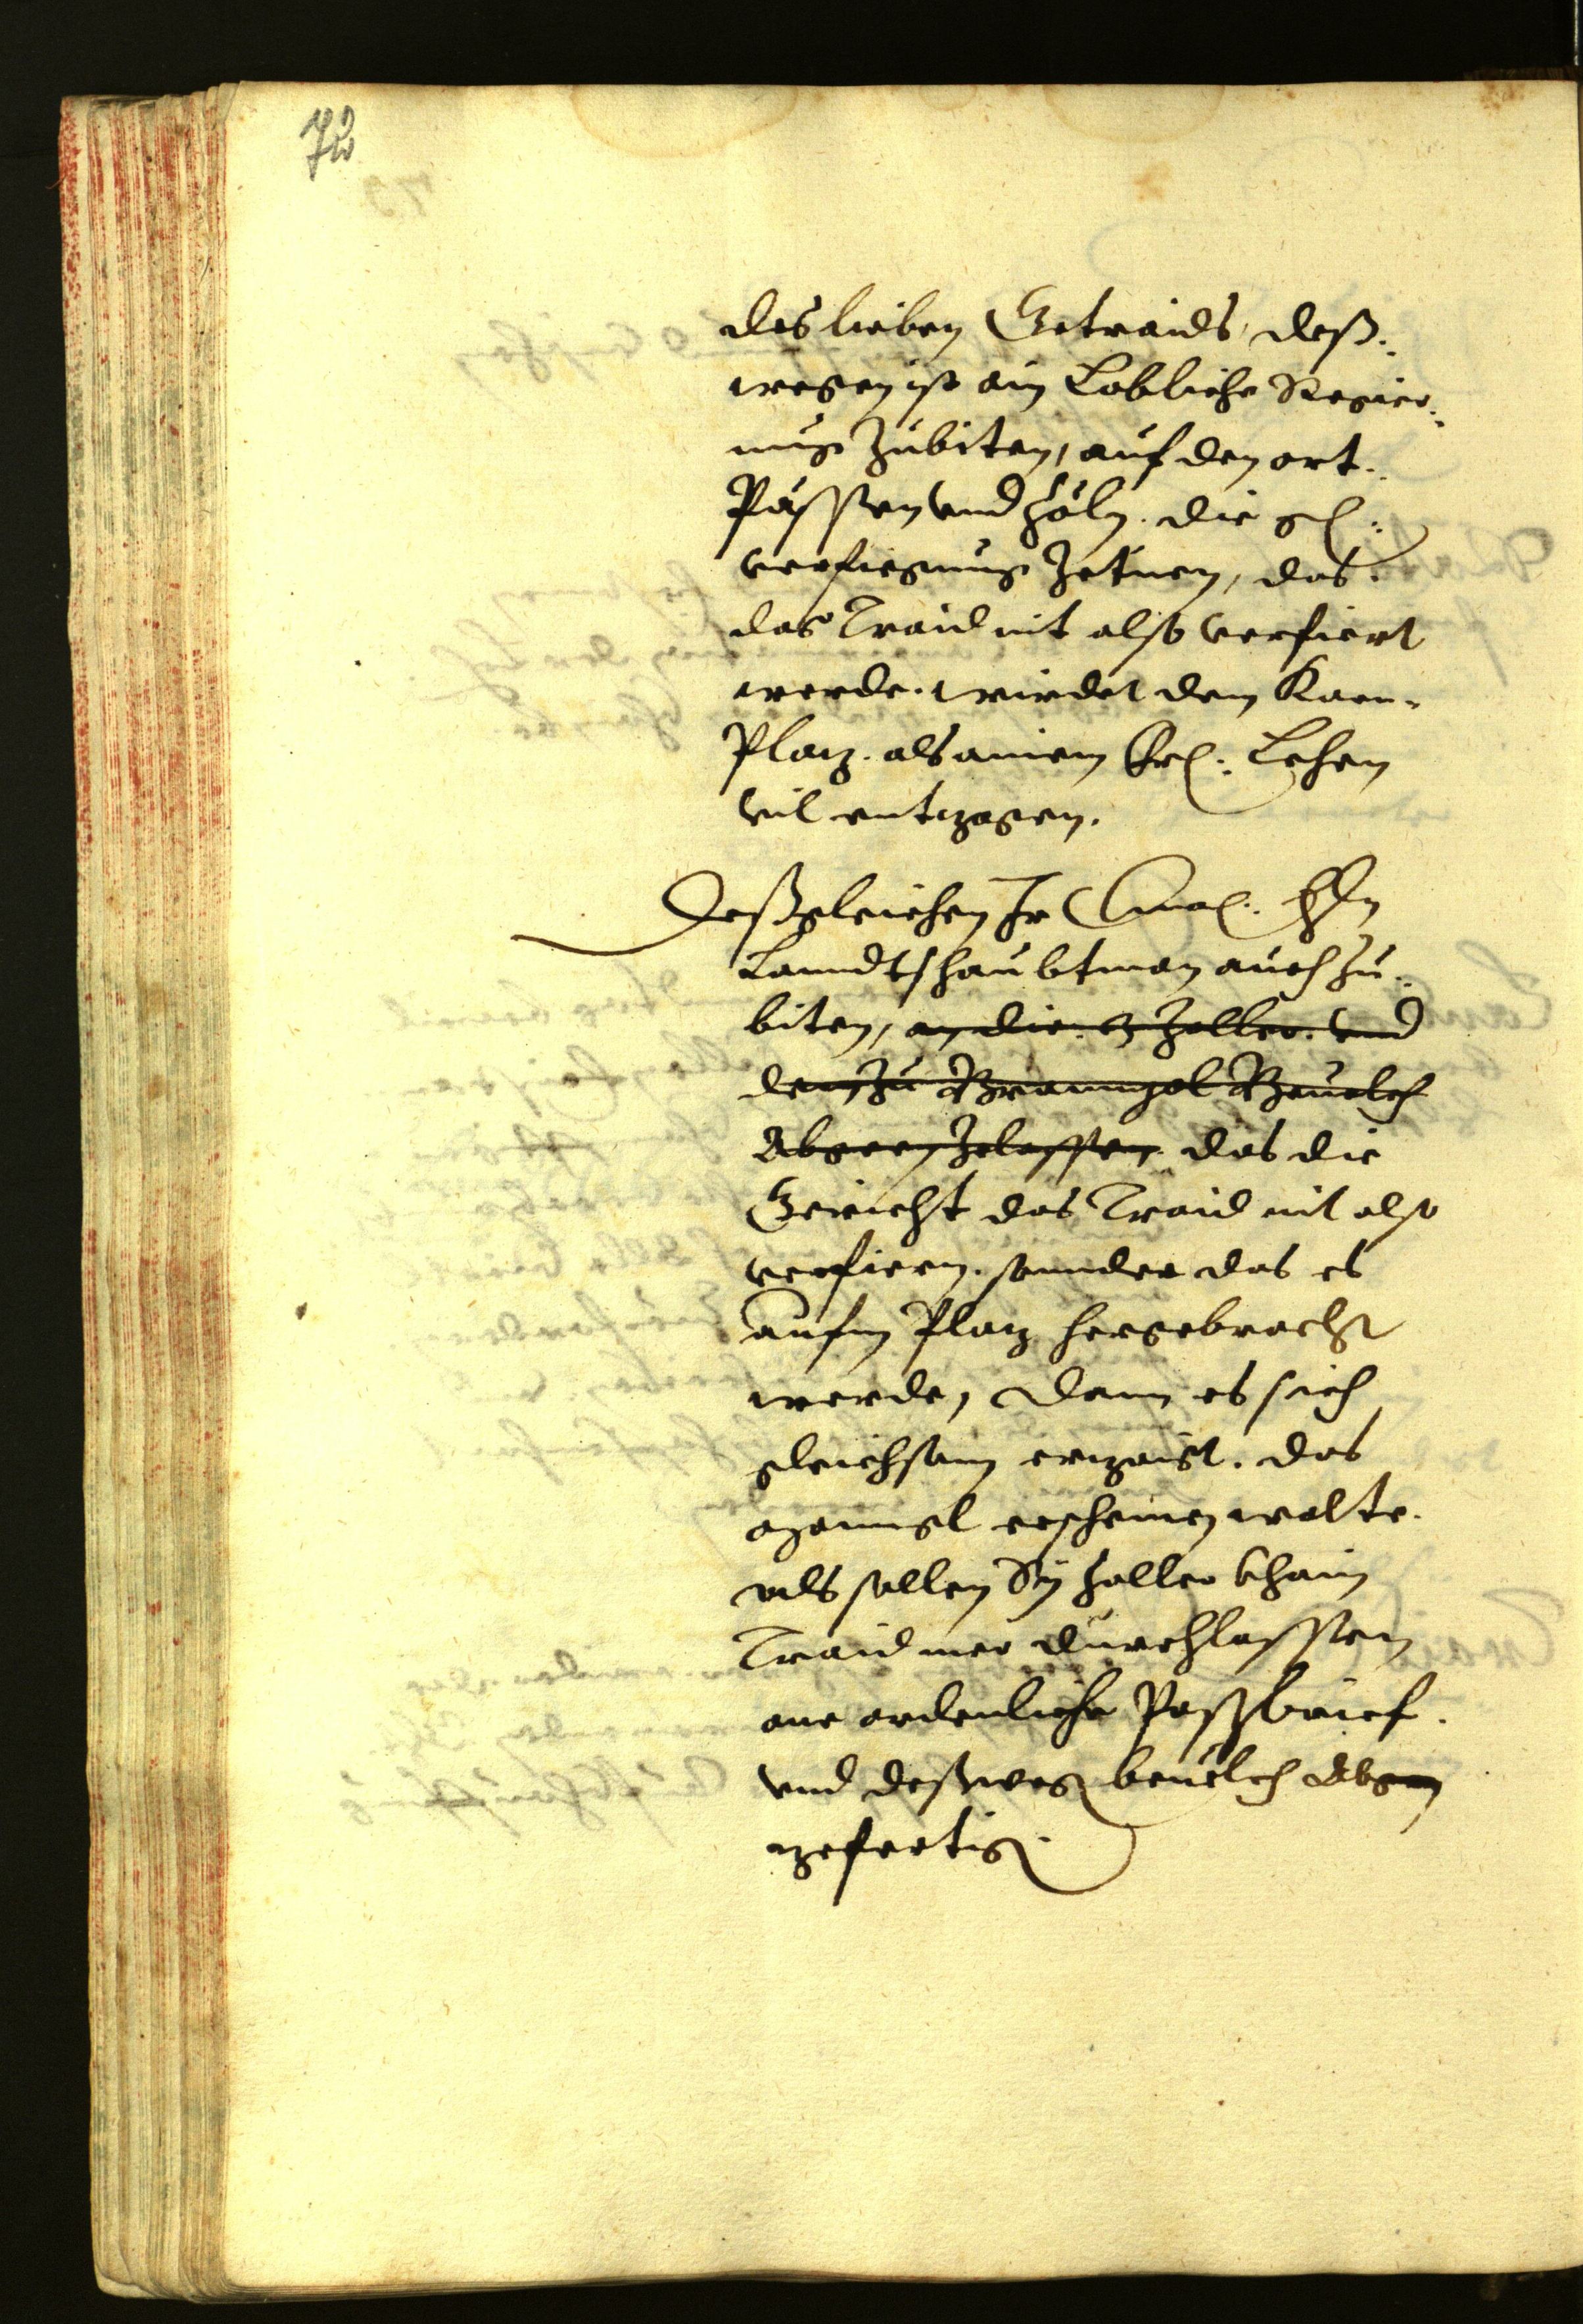72
des lieben Getraids deß¬
wegen ist ain Lobliche Regier¬
ūng Zūbiten, aūf den ort¬
Pāssen und Zōln. die g:
verfiegūng Zetūen, das.
das Traid nit also verfiert
werde. wirdet dem Korn¬
Plaz. als ainem Frl: Lehen
vil entzogen.
Deßgleichen Ir Gn: hln
Lanndtshaūbtman aūch Zū¬
Biten, an die .3 Zeller. vnd
dem Zū Brannzol Beūelch
Abgeen Zelassen. das die
Gericht das Traid nit also
verfieren. sonnder das es
aūfm Plaz hergebracht
werde, Dann es sich
gleichsam erzaigt. das
Manngl erscheinen wolte.
als sollen Sÿ Zoller khain
Traid mer dūrchlassen
one ordenliche Paßbrief.
vnd deßweg beūelch Abgen¬
zefertig.